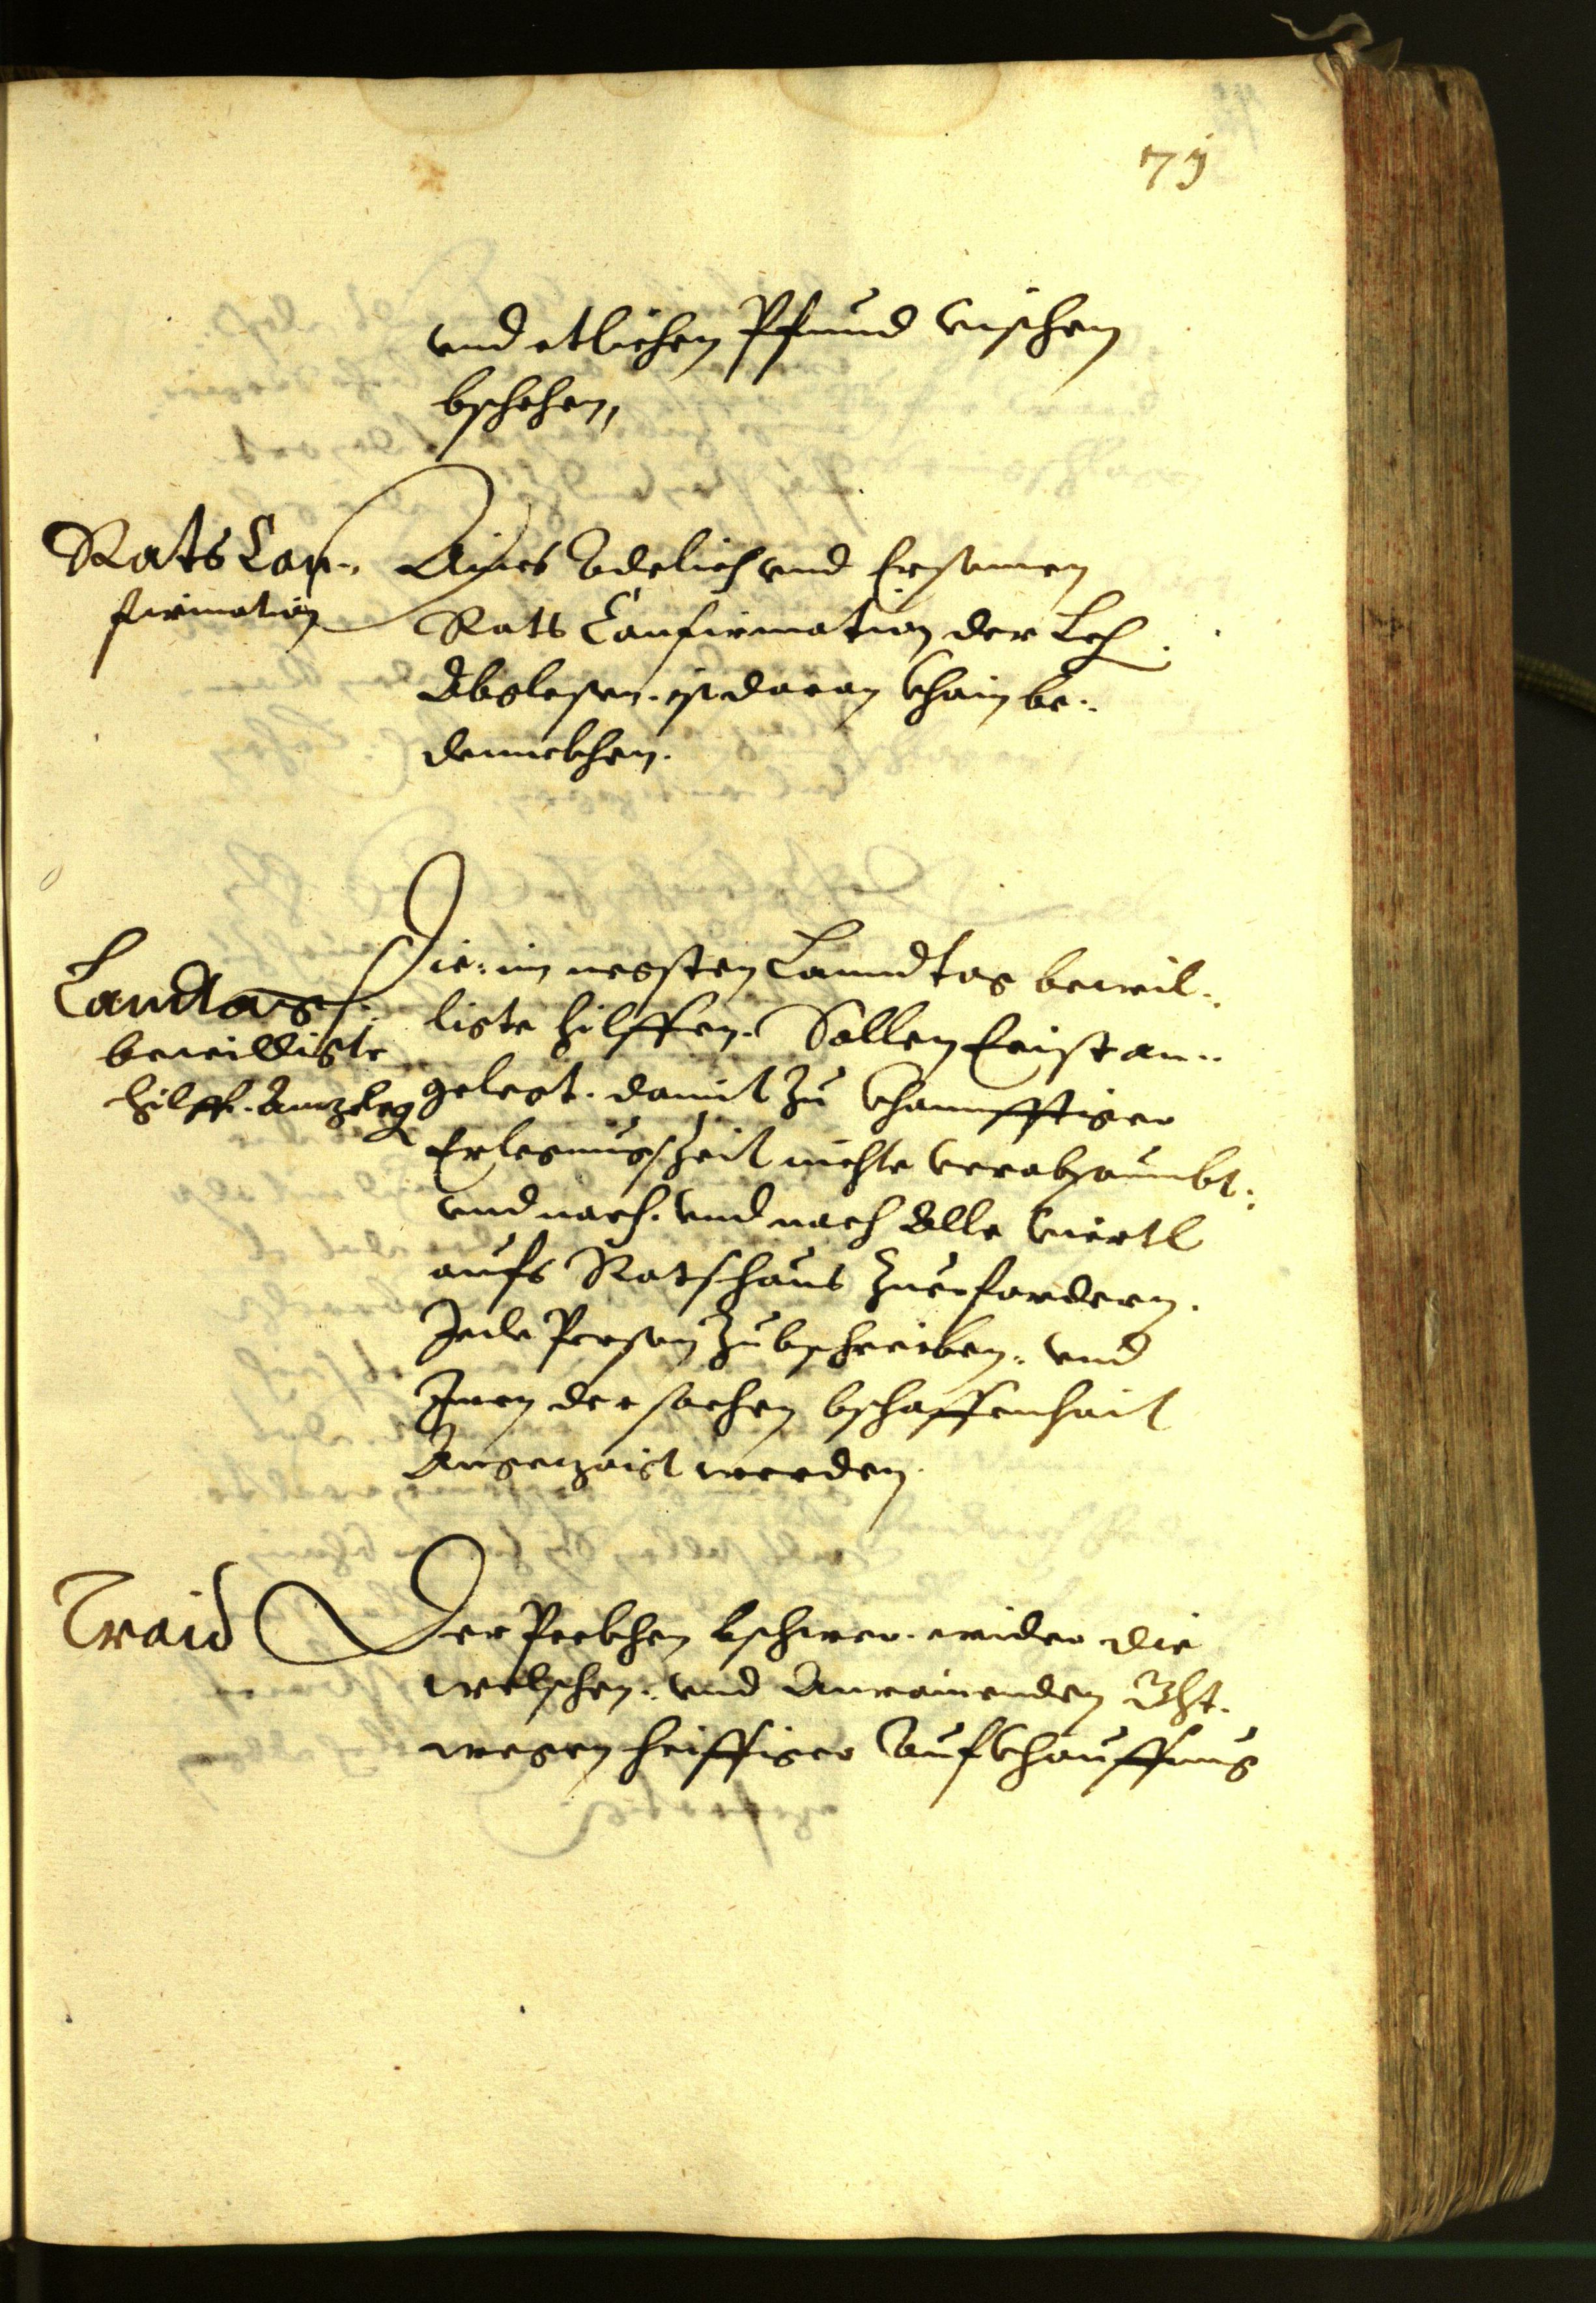71
vnd etlichen Pfūnd vischen
bschehen,
Aines Adelich vnd Ersamen
Rats Confirmation der Leh.
Abglesen. ist daran khain be¬
dennckhen.
Rats Con¬
firmation
Die: im negsten Lanndtag bewil¬
ligte hilffen. Sollen Eeist an¬
gelegt. damit Zū khonnfftiger
Erlegūngszeit nichte verabsaūmbt¬
vnd nach. vnd nach Alle Viertl
aūfs Ratshaūs Zuērfordern.
Jede Person Zū bschreiben: vnd
Inen der sachen bschaffenhait
Angezaigt werden.
Landtags.
bewilligte
hilff. Anzeleg
Der Peckhen bschwer. wider die
welschen. vnd Anrainenden Ght.
wegen heiffiger Aūfkhaūffūng
Traid